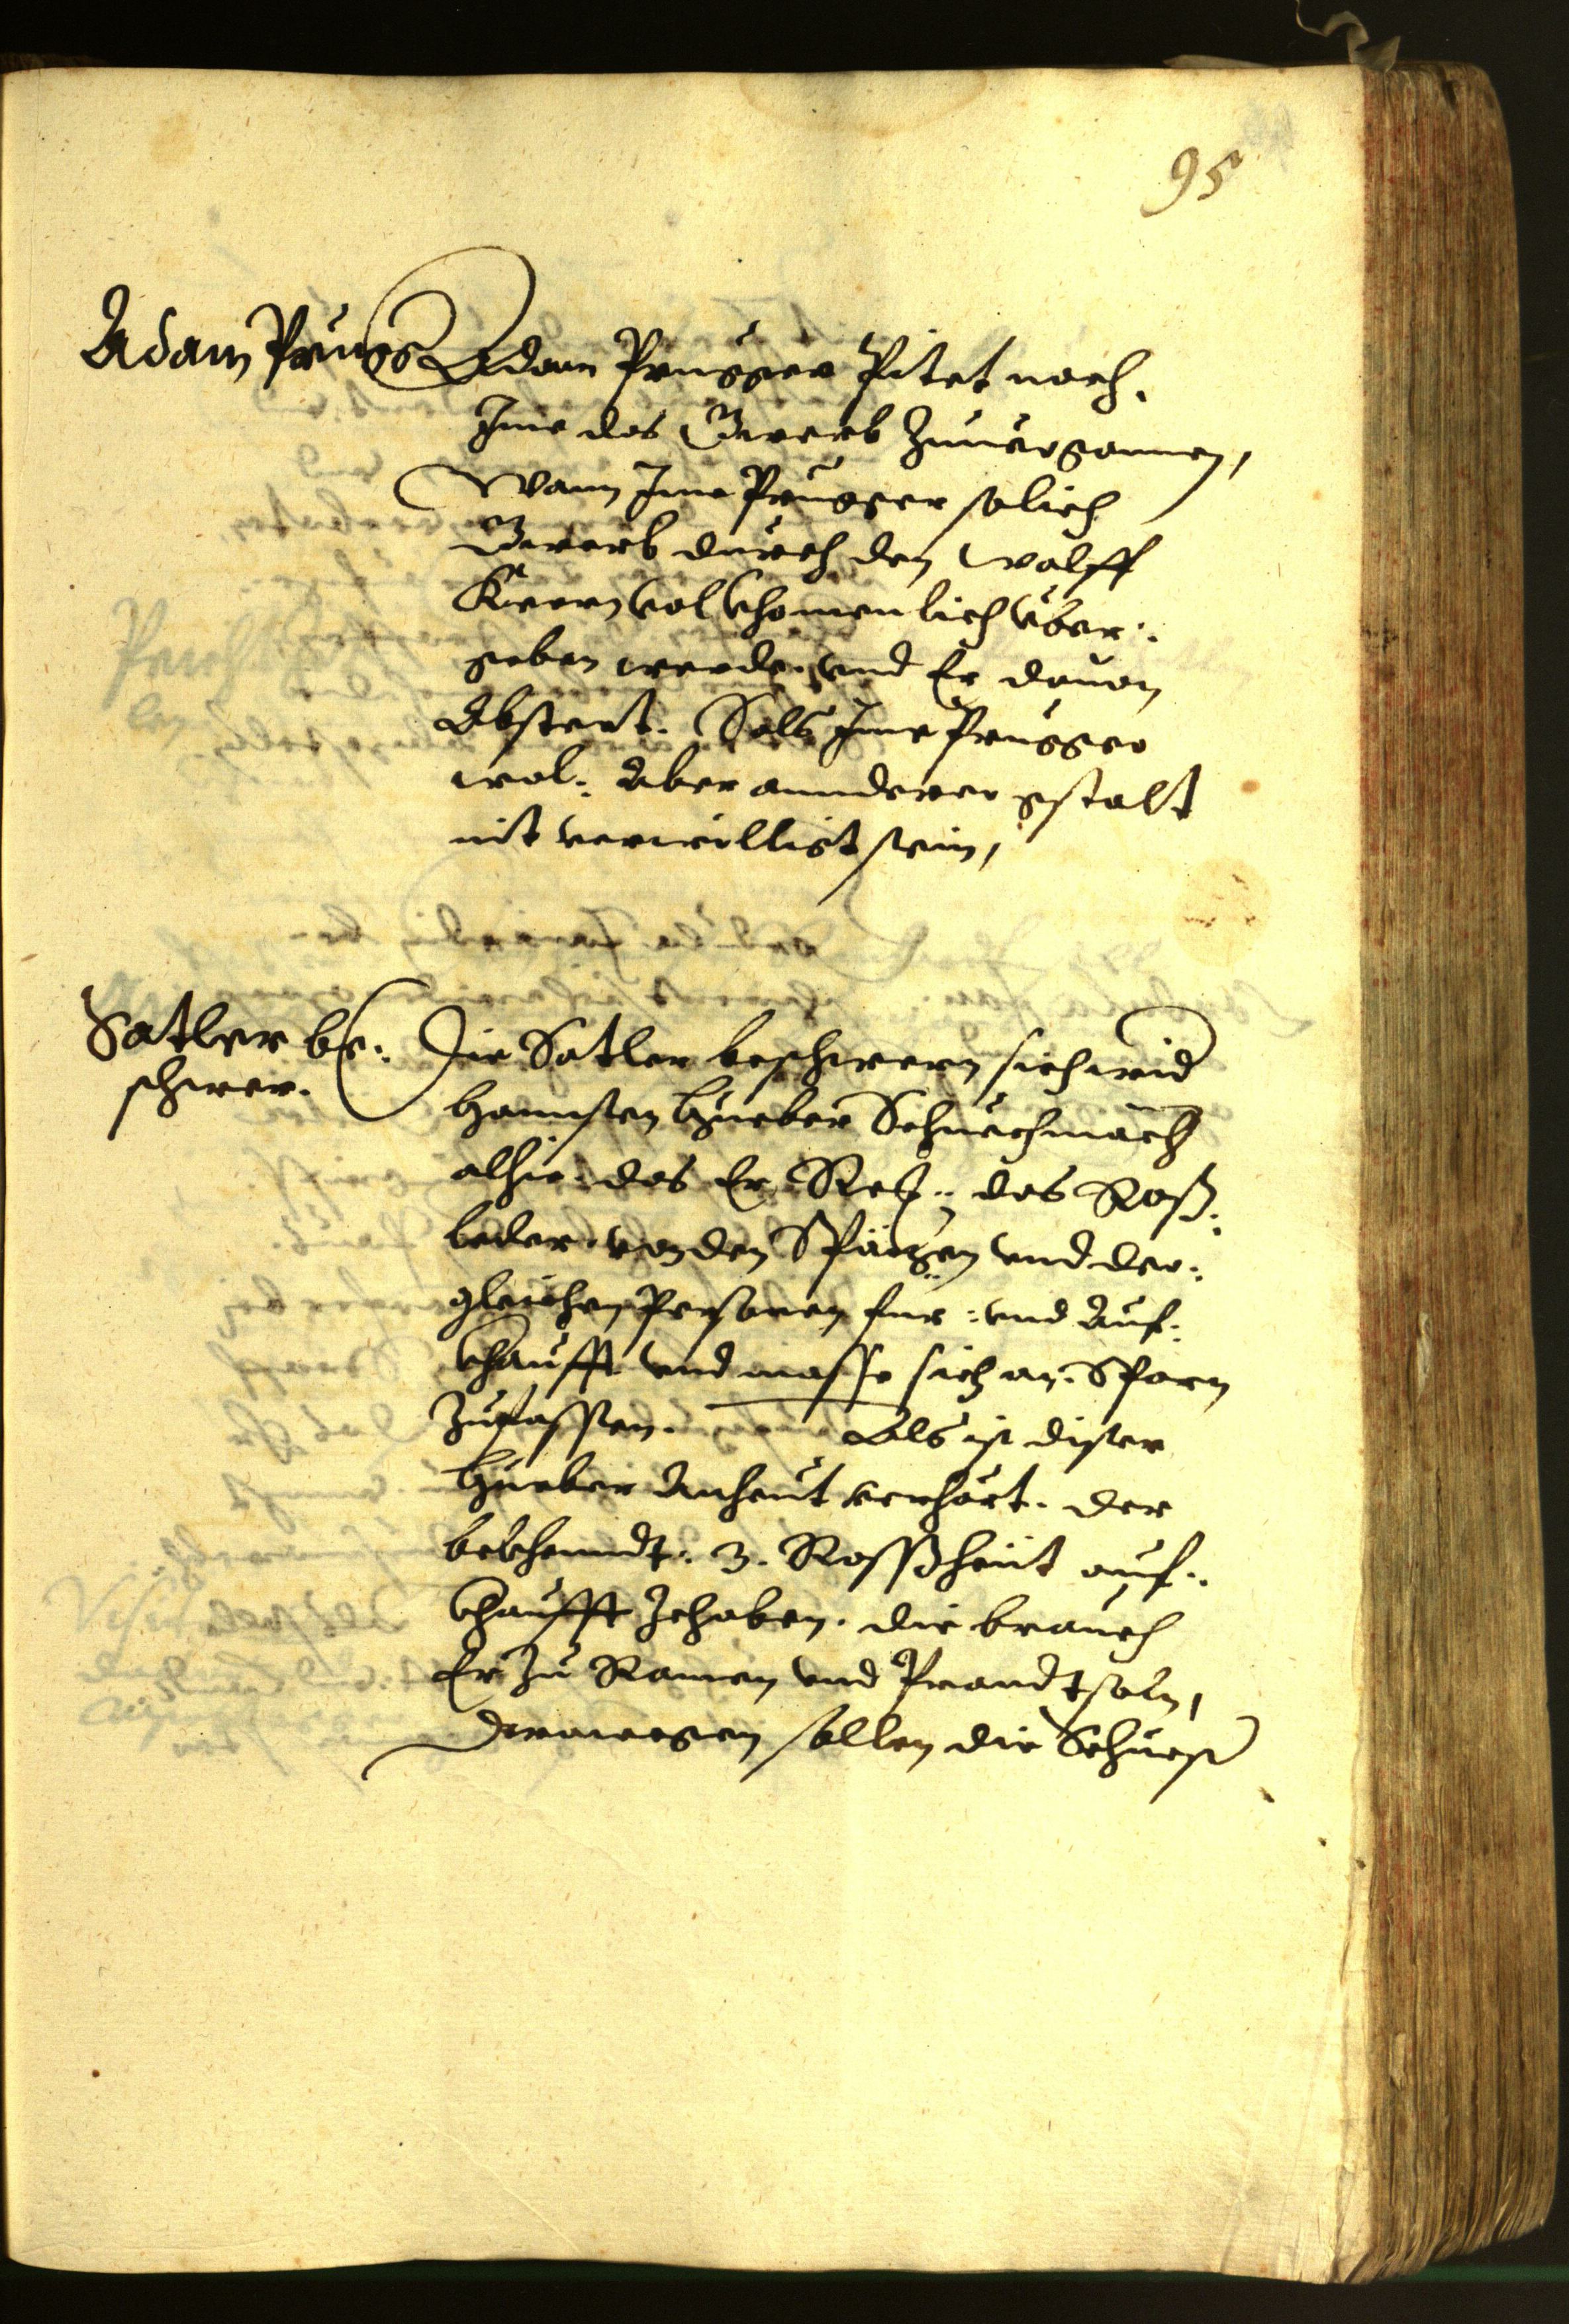95
Adam Prūgger Pitet noch.
Ime das Gwerb Zūūergonnen,
Wann Ime Prūgger solich
Gwerb dūrch den Wolff
Kerrn volkhomenlich v̄ber¬
geben werde. vnd Er daūon
Absteet. Sols Ime Prūgger
wol: Aber anndrer gstalt
nit verwilligt sein,
Adam Prūgg
Die Satler beschwern sich wid
Hannsen Hūeber Schūechmach
alhie. das Er Re: das Roß¬
leder. von den SPäzen vnd der¬
gleichen Personen fir: vnd Aūf¬
khaūfft vnd masse sich an. Sporn
Zūfassen. Als ist diser
Hūeber Anheūt verhōrt. der
bekhonndt: 3. Rosßheüt aūf¬
khaūfft Zehaben. die braūch
Er Zū Ramen vnd Prandtsoln,
Derowegen sollen die Schūest
Satler be¬
schwer.